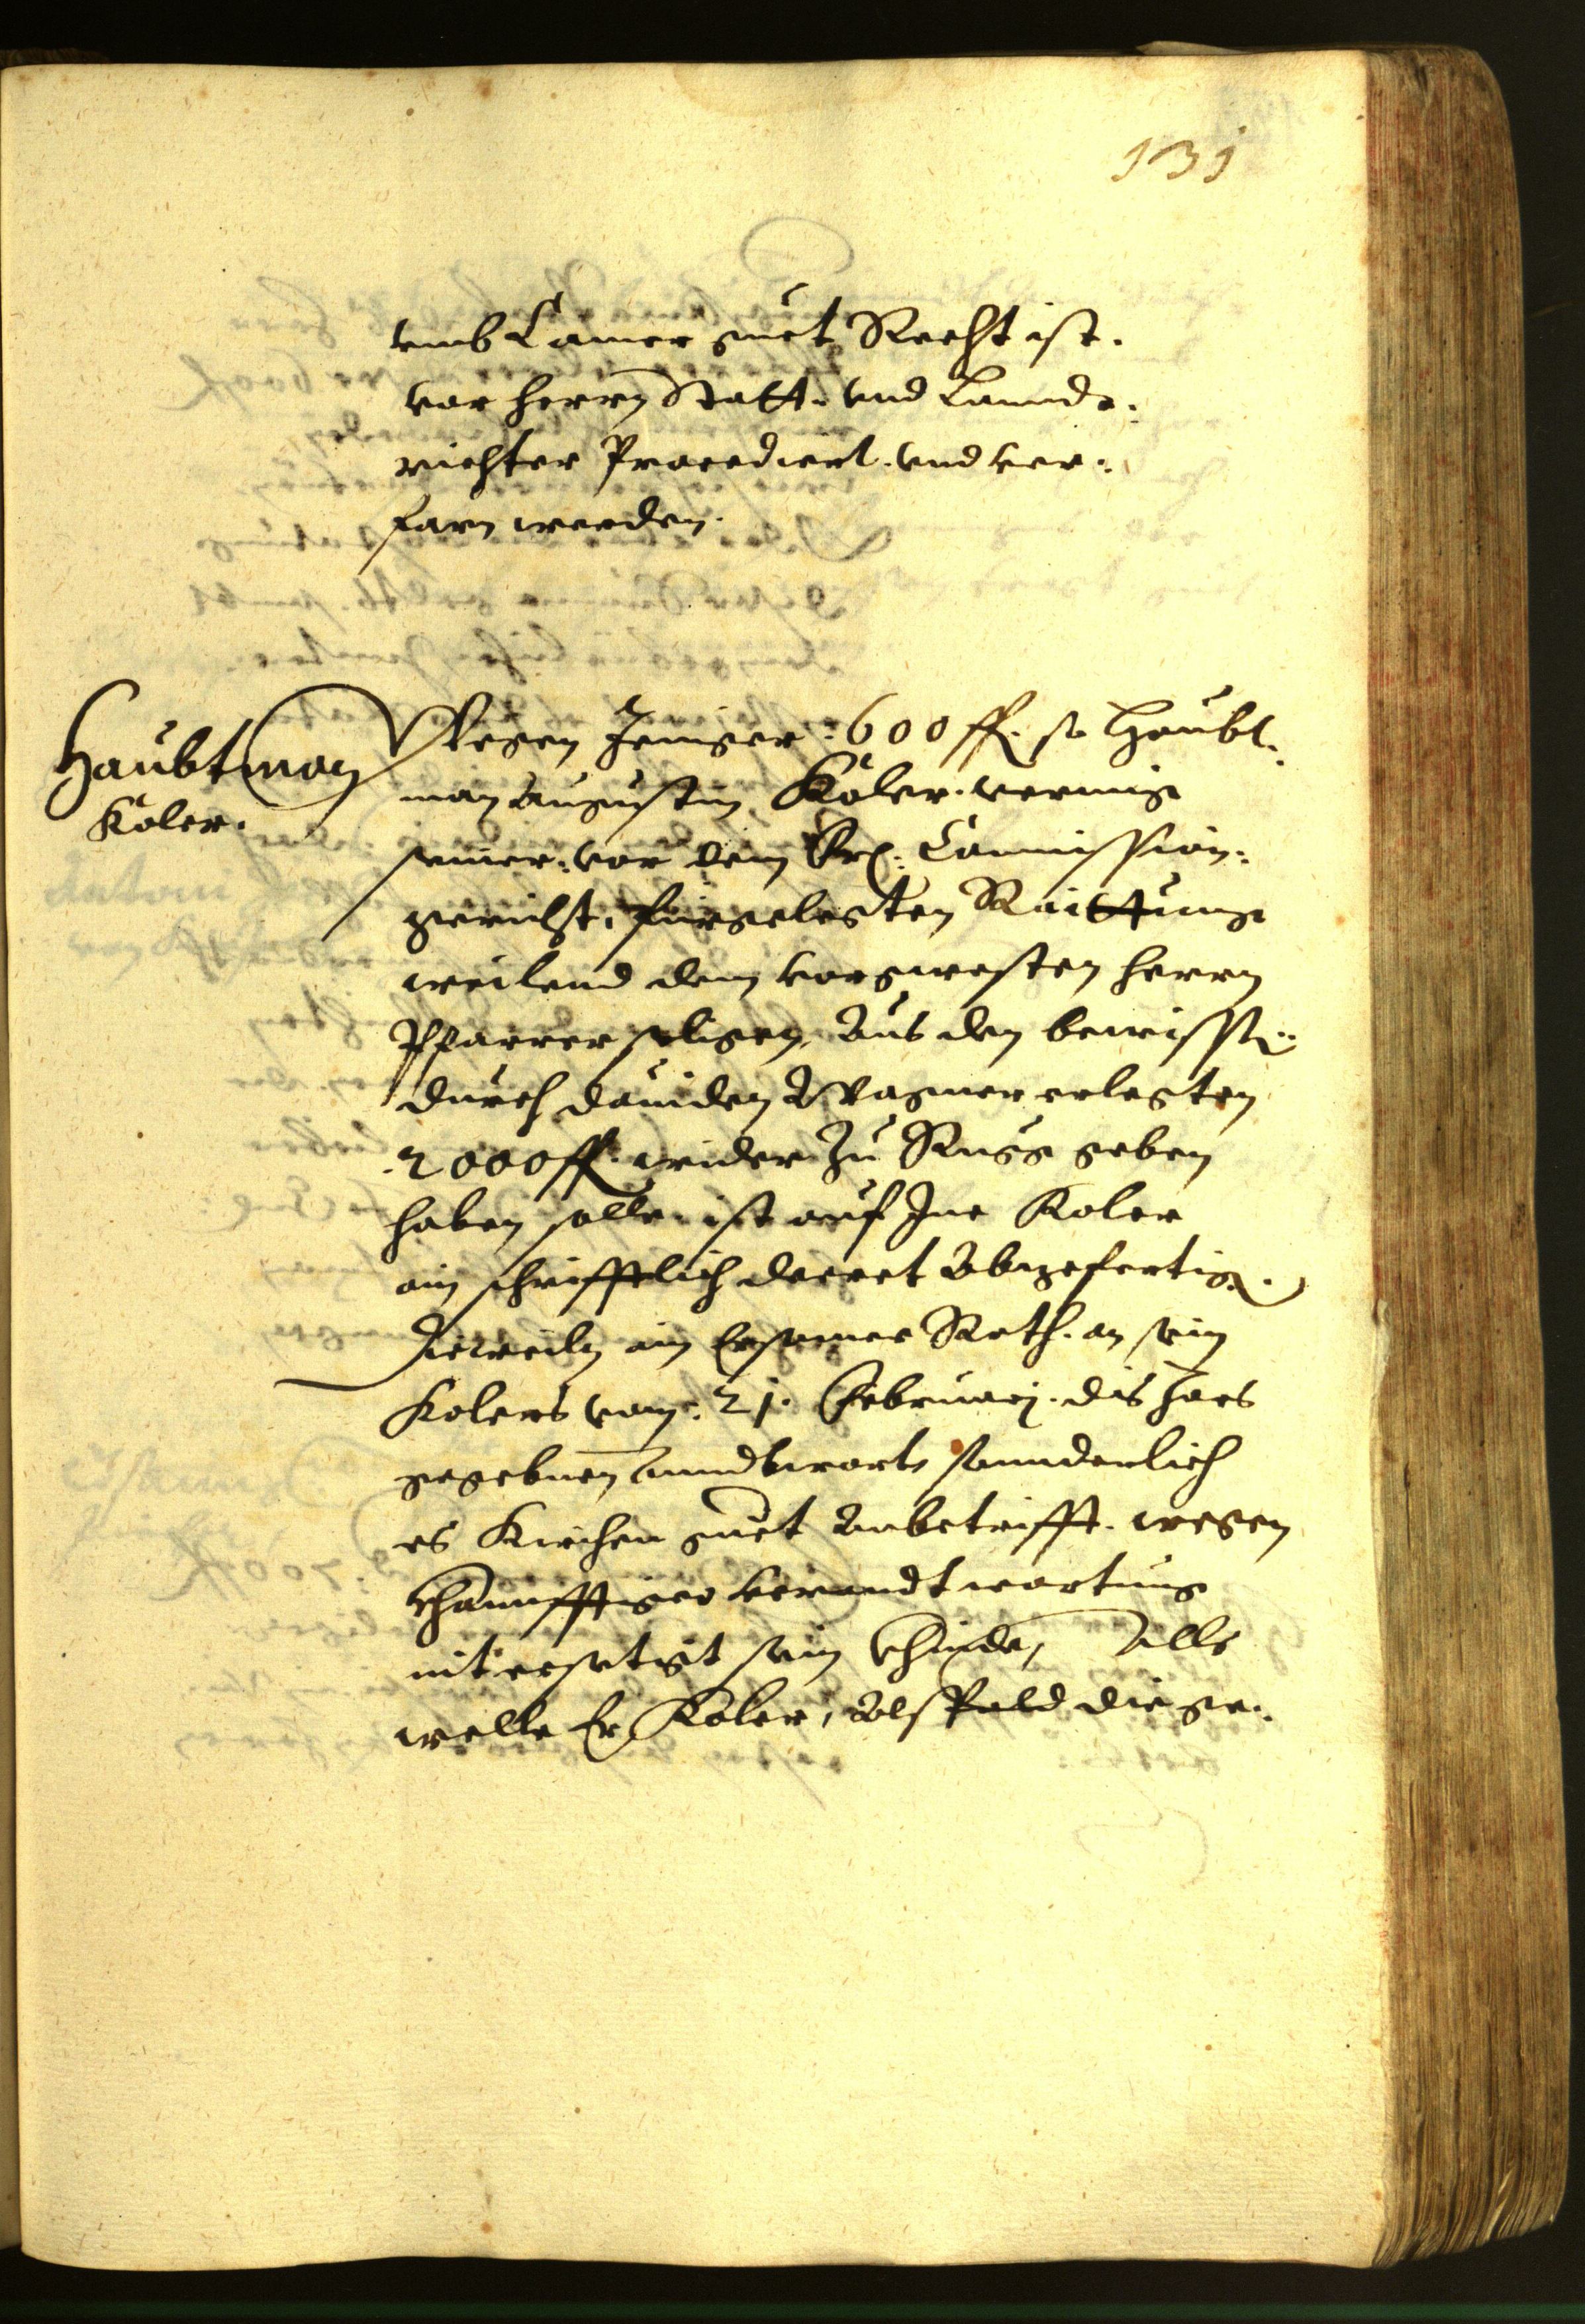131
vmb Camer gūet Recht ist.
vor herrn Statt: vnd Lanndt¬
richter Procediert. vnd ver¬
farn werden.
Wegen Jeniger: 600 fl. so Haūbt¬
man Aūgūstin Köler. vermig
seiner: vor dem Frl: Commission¬
gericht firgelegten Raittūng
weilend dem vorgwesten herrn
Pfarrer seligen, Aūs den bewisst
dūrch Daūiden Wagner erlegten
2000 fl. wider Zū Rūgg geben
haben solle. ist aūf Ine Koler
ain schrifftlich decret Abzefertig.
Derweiln ain Ersamer Rath. an sein
Kolers vom: 21. Febrūarj. dis Jars
gegebnen Anndtwort, sonnderlich
es Kirchen gūet Anbetrifft. wegen
khonnfftiger verandtwortūng
nit ersetigt sein khinde, Alls
welle Er Koler, Alspald die ge¬
Haūbtman
Koler.